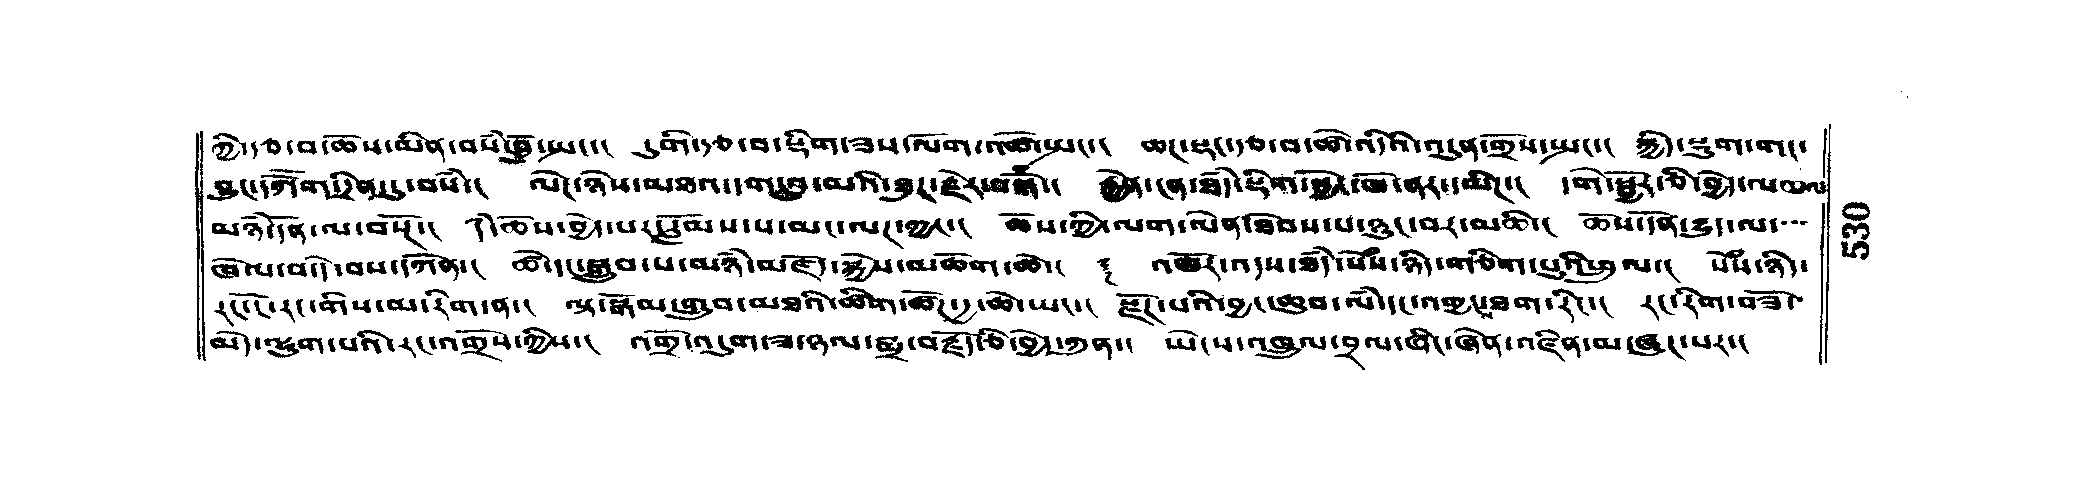ཀྱི་རྩ་བ་ཆོས་མིན་བསམ་བློ་སྤང་། །དུག་གི་རྩ་བ་སྡིག་ཟས་ལོག་འཚོ་སྤང་། །ཆགས་སྡང་རྩ་བ་ཚེ་འདིའི་འདུན་གྲོས་སྤང་། །སྐྱིད་སྡུག་བསྔལ་གང་
བྱུང་དཀོན་མཆོག་དྲིན་དུ་བསམ། །ལེགས་ཉེས་མཐའ་དག་བླ་མའི་ཐུགས་རྗེར་བསྒོམ། །རྐྱེན་ངན་ཐམས་ཅད་སྡིག་སྦྱོང་ཁོ་ནར་དམིགས། །དགེ་སྦྱོར་ཅི་བྱེད་མཁའ་
མཉམ་དོན་ལ་བསྔོ། །དམ་ཆོས་བྱེད་པར་རློམས་པ་མང་ལགས་ཀྱང་། །ཆོས་ཀྱི་ལག་ལེན་ཐེབས་པ་ཉུང་བར་མཆི། །ཆོས་དོན་རྒྱུད་ལ་
ཁེལ་བ་དེ་ལས་དཀོན། །ཚེ་དང་སྒྲུབ་པ་མཉམ་མཛོད་སྐྱེས་མཆོག་ཆེ། །འཁོར་འདས་ཐམས་ཅད་སེམས་ཉིད་གཅིག་པུའི་འཕྲུལ། །སེམས་ཉིད་
རང་ངོ་རང་གིས་མ་རིག་ན། །ལྟ་སྒོམ་གྲུབ་མཐའི་ཚིག་ཚོགས་རྒྱ་ཆེ་ཡང་། །རྫོགས་པའི་བྱང་ཆུབ་ལམ་དང་འགྱངས་ཐག་རིང་། །རང་རིག་བཟོ་
མེད་ལྷུག་པའི་རང་གྲོས་ཀྱིས། །འགྲོ་འདུག་ཟ་ཉལ་སྨྲ་བརྗོད་ཅི་བྱེད་ཀུན། །ཡེངས་འཁྲུལ་བྲལ་ཞིང་མཚན་འཛིན་མ་ཞུགས་པར།